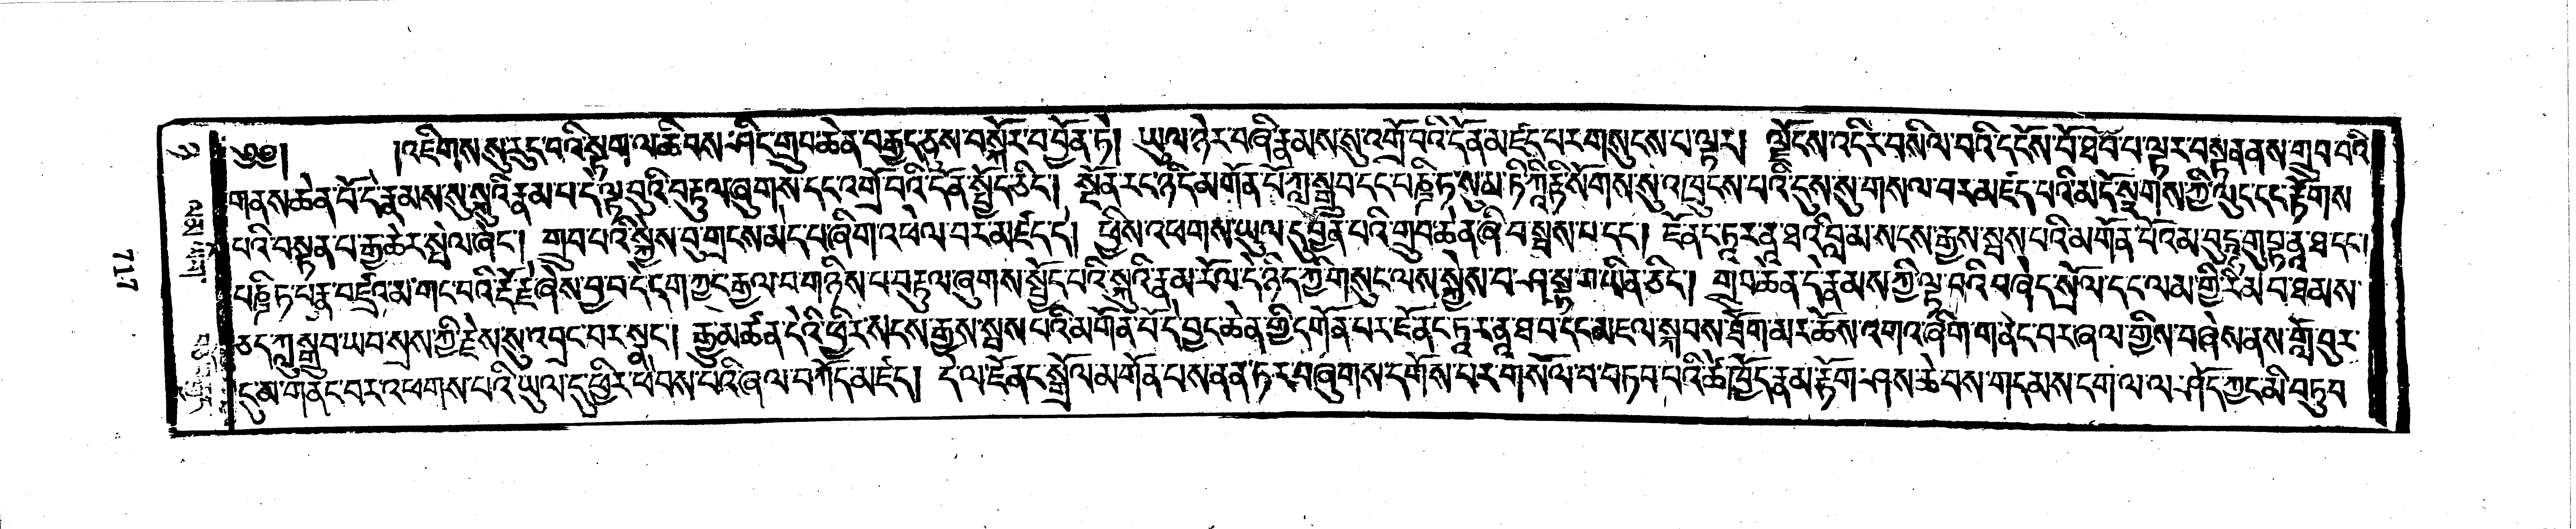༄༅། །འཇིགས་སུ་རུང་བའི་སྟག་ལ་ཆིབས་ཤིང་གྲུབ་ཆེན་བརྒྱད་ཅུས་བསྐོར་བ་བྱོན་ཏེ། ཡུལ་ཉེར་བཞི་རྣམས་སུ་འགྲོ་བའི་དོན་མཛད་པར་གསུངས་པ་ལྟར། ལྗོངས་འདིར་བསིལ་བའི་དངོས་བོ་ཐོབ་པ་ལྟར་བསྟན་ནས་གྲུབ་པའི་
གནས་ཆེན་པོ་དེ་རྣམས་སུ་སྐུའི་རྣམ་པ་དེ་ལྟ་བུའི་བརྟུལ་ཞུགས་དང་འགྲོ་བའི་དོན་སྤྱོད་ཅིང་། སྔོན་རང་ཉིད་མགོན་པོ་ཀླུ་སྒྲུབ་དང་པཎྜི་ཏ་སུ་མ་ཏི་ཀཱི་རྟི་སོགས་སུ་འཁྲུངས་པའི་དུས་སུ་གསལ་པར་མཛད་པའི་མདོ་སྔགས་ཀྱི་ལུང་དང་རྟོགས་
པའི་བསྟན་པ་རྒྱ་ཆེར་སྤེལ་ཞེང་། གྲུབ་པའི་སྐྱེས་བུ་གྲངས་མེད་པ་ཞིག་འཕེལ་བར་མཛད་དེ། ཕྱིས་འཕགས་ཡུལ་དུ་བྱོན་པའི་གྲུབ་ཆེན་ཞི་བ་སྦས་པ་དང་། ཇོ་ནང་ཏཱར་ནཱ་ཐའི་བླ་མ་སངས་རྒྱས་སྦས་པའི་མགོན་པོའམ་བུདྰྷ་གུབཏ་ནཱ་ཐ་དང་།
པཎྜི་ཏ་པུརྣ་བཛྲའ་མ་གང་བའི་རྡོ་རྗེ་ཞེས་བྱ་བ་དེ་དག་ཀྱང་རྒྱལ་བ་གཉིས་པ་བརྟུལ་ཞུགས་སྤྱོད་པའི་སྐུའི་རྣམ་རོལ་དེ་ཉིད་ཀྱི་གསུང་ལས་སྐྱེས་པ་ཤ་སྟག་ཡིན་ཅིང་། གྲུབ་ཆེན་དེ་རྣམས་ཀྱི་ལྟ་བའི་བཞེད་སྲོལ་དང་ལམ་གྱི་རིམ་པ་ཐམས་
ཅད་ཀླུ་སྒྲུབ་ཡབ་སྲས་ཀྱི་རྗེས་སུ་འབྲང་བར་སྣང་། རྒྱུ་མཚན་དེའི་ཕྱིར་སངས་རྒྱས་སྦས་པའི་མགོན་པོ་དེ་བྱང་ཆེན་གྱི་དགོན་པར་ཇོ་ནང་ཏཱ་ར་ནཱ་ཐ་བ་དང་མཇལ་སྐབས་ཐོག་མར་ཆོས་འགའ་ཞིག་ག་ནང་བར་ཞལ་གྱིས་བཞེས་ནས་གློ་བུར་
དུ་མ་གནང་བར་འཕགས་པའི་ཡུལ་དུ་ཕྱིར་ཕེབས་པའི་ཞལ་བཀོད་མཛད། དེ་ལ་ཇོ་ནང་སྒྲོལ་མགོན་པས་ནན་ཏར་བཞུགས་དགོས་པར་གསོལ་བ་བཏབ་པའི་ཚེ་ཁྱོད་རྣམ་རྟོག་ཤས་ཆེ་བས་གདམས་ངག་ལ་ལ་ཤོད་ཀྱང་མི་བཏུབ་